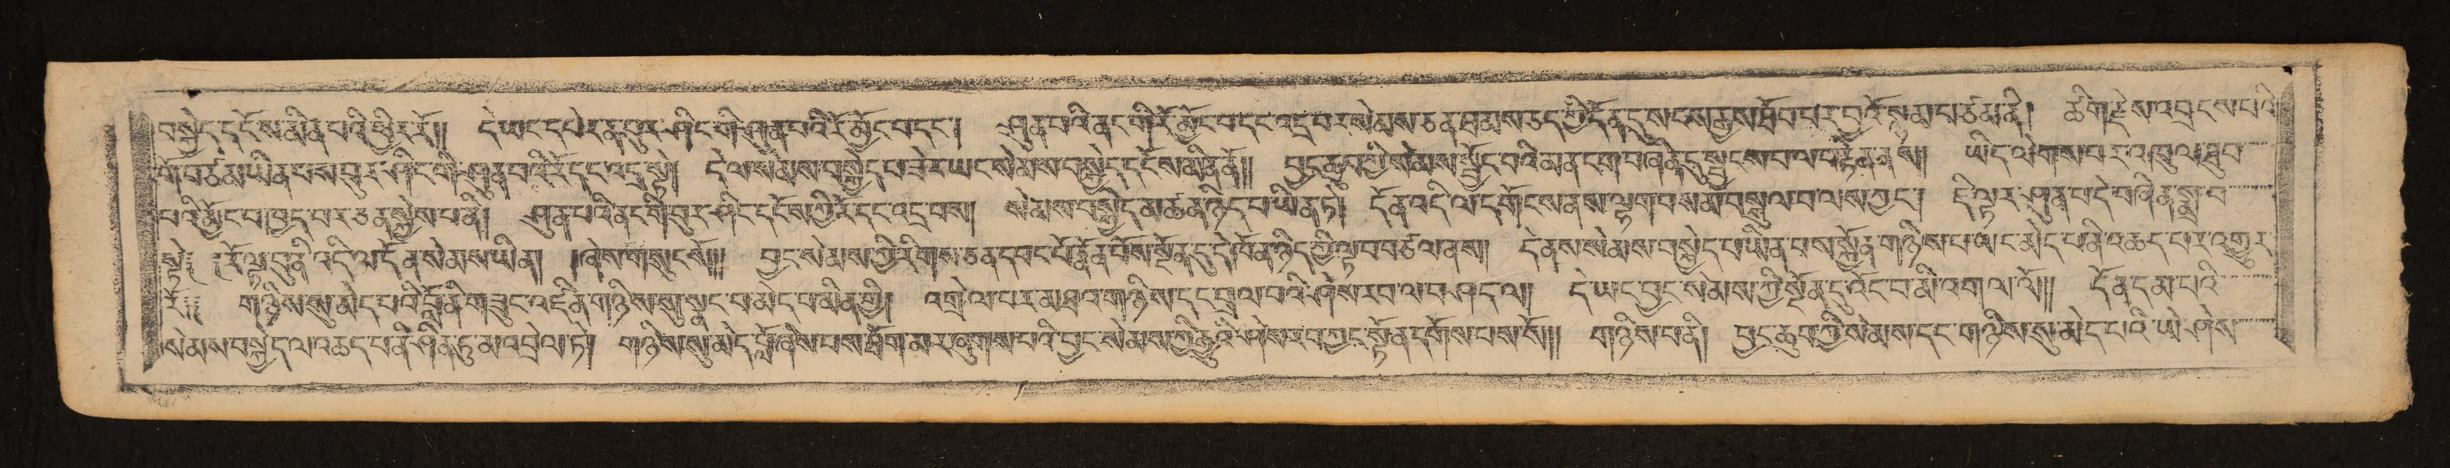བསྐྱེད་དངོས་མིན་པའི་ཕྱིར་རོ།། དེ་ཡང་དཔེར་ན་བུར་ཤིང་གི་ཤུན་པའི་རོ་མྱོང་བ་དང་། ཤུན་པའི་ནང་གི་རོ་མྱོང་བ་དང་འདྲ་བར་སེམས་ཅན་ཐམས་ཅད་ཀྱི་དོན་དུ་སངས་རྒྱས་ཐོབ་པར་བྱའོ་སྙམ་པ་ཙམ་ནི། ཚིག་རྗེས་འབྲངས་པའི་
གོ་བ་ཙམ་ཡིན་པས་བུར་ཤིང་གི་ཤུན་པའི་རོ་དང་འདྲ་སྟེ། དེ་ལ་སེམས་བསྐྱེད་པ་ཟེར་ཡང་སེམས་བསྐྱེད་དངོས་མིན་ནོ།། བྱང་ཆུབ་ཀྱི་སེམས་སྦྱོང་བའི་མན་ངག་བཞིན་དུ་སྦྱངས་པ་ལས་བརྟེན་ནས། ཡིད་ལེགས་པར་འཁུལ་ཐུབ་
པའི་མྱོང་བ་ཁྱད་པར་ཅན་སྐྱེས་པ་ནི། ཤུན་པའི་ནང་གི་བུར་ཤིང་དངོས་ཀྱི་རོ་དང་འདྲ་བས། སེམས་བསྐྱེད་མཚན་ཉིད་པ་ཡིན་ཏེ། དོན་འདི་ལ་དགོངས་ནས་ལྷག་བསམ་བསྐུལ་བ་ལས་ཀྱང་། ཇི་ལྟར་ཤུན་པ་དེ་བཞིན་སྨྲ་བ་
སྟེ༑ ༑རོ་ལྟ་བུ་ནི་འདི་ལ་དོན་སེམས་ཡིན། །ཞེས་གསུངས་སོ།། བྱང་སེམས་ཀྱི་རིགས་ཅན་དབང་པོ་རྣོན་པོས་སྔོན་དུ་དེ་ཁོ་ན་ཉིད་ཀྱི་ལྟ་བ་བཙལ་ནས། དེ་ནས་སེམས་བསྐྱེད་པ་ཡིན་པས་སྐྱོན་གཉིས་པ་ཡང་མེད་པ་ནི་འཆད་པར་འགྱུར་
རོ༑༑ གཉིས་སུ་མེད་པའི་བློ་ནི་གཟུང་འཛིན་གཉིས་སུ་སྣང་བ་མེད་པ་མིན་གྱི། འགྲེལ་པར་མཐའ་གཉིས་དང་བྲལ་བའི་ཤེས་རབ་ལ་བཤད་ལ། དེ་ཡང་བྱང་སེམས་ཀྱི་སྔོན་དུ་འོང་བ་མི་འགལ་ལོ། །དོན་དམ་པའི་
སེམས་བསྐྱེད་ལ་འཆད་པ་ནི་ཤིན་ཏུ་མ་འབྲེལ་ཏེ། གཉིས་སུ་མེད་བློ་ཞེས་པས་ཐོག་མར་ཞུགས་པའི་བྱང་སེམས་ཀྱི་རྒྱུའི་ཤེས་རབ་ཀྱང་སྟོན་དགོས་པས་སོ།། གཉིས་པ་ནི། བྱང་ཆུབ་ཀྱི་སེམས་དང་གཉིས་སུ་མེད་པའི་ཡེ་ཤེས་